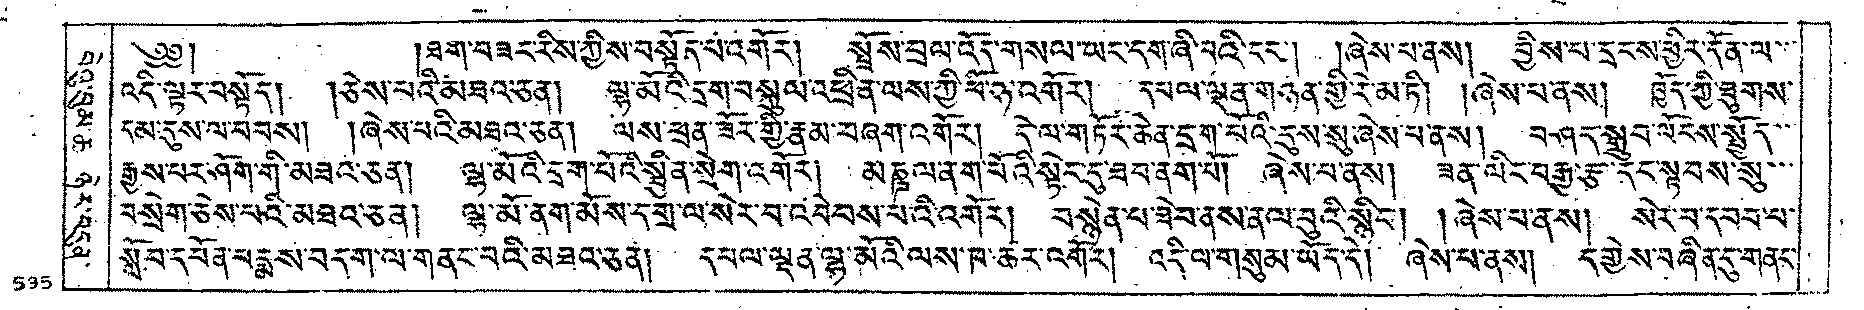༄༅། །ཐག་བཟང་རིས་ཀྱིས་བསྟོད་པ་འགོར། སྤྲོས་བྲལ་འོད་གསལ་ཡང་དག་ཞི་བའི་ངང་། །ཞེས་པ་ནས། བྱིས་པ་དྲངས་ཕྱིར་དོན་ལ་
འདི་ལྟར་བསྟོད། །ཅེས་པའི་མཐའ་ཅན། ལྷ་མོའི་དྲག་བསྐུལ་འཕྲིན་ལས་ཀྱི་ཕོ་ཉ་འགོར། དཔལ་ལྡན་གཉན་གྱི་རེ་མ་ཏི། །ཞེས་པ་ནས། ཁྱོད་ཀྱི་ཐུགས་
དམ་དུས་ལ་བབས། །ཞེས་པའི་མཐའ་ཅན། ལས་ཕྲན་ཟོར་གྱི་རྣམ་བཞག་འགོར། དེ་ལ་གཏོར་ཆེན་དྲག་པོའི་དུས་སུ་ཞེས་པ་ནས། བཤད་སྒྲུབ་ལོངས་སྤྱོད་
རྒྱས་པར་ཤོག་གི་མཐའ་ཅན། ལྷ་མོའི་དྲག་པོའི་སྦྱིན་སྲེག་འགོར། མཎྜལ་ནག་པོའི་སྟེང་དུ་ཐབ་ནག་པོ། ཞེས་པ་ནས། ཟན་ལིང་བརྒྱ་རྩ་དང་སྟབས་སུ་
བསྲེག་ཅེས་པའི་མཐའ་ཅན། ལྷ་མོ་ནག་མོས་དགྲ་ལ་སེར་བ་འབེབས་པའི་འགོར། བསྙེན་པ་ཐེབ་ནས་ནལ་བུའི་སྙིང་། །ཞེས་པ་ནས། སེར་བ་དབབ་པ་
སློབ་དཔོན་པདམས་བདག་ལ་གནང་བའི་མཐའ་ཅན། དཔལ་ལྡན་ལྷ་མོའི་ལས་ཁ་ཚར་འགོར། འདི་ལ་གསུམ་ཡོད་དེ། ཞེས་པ་ནས། དགྱེས་བཞིན་དུ་གནང་